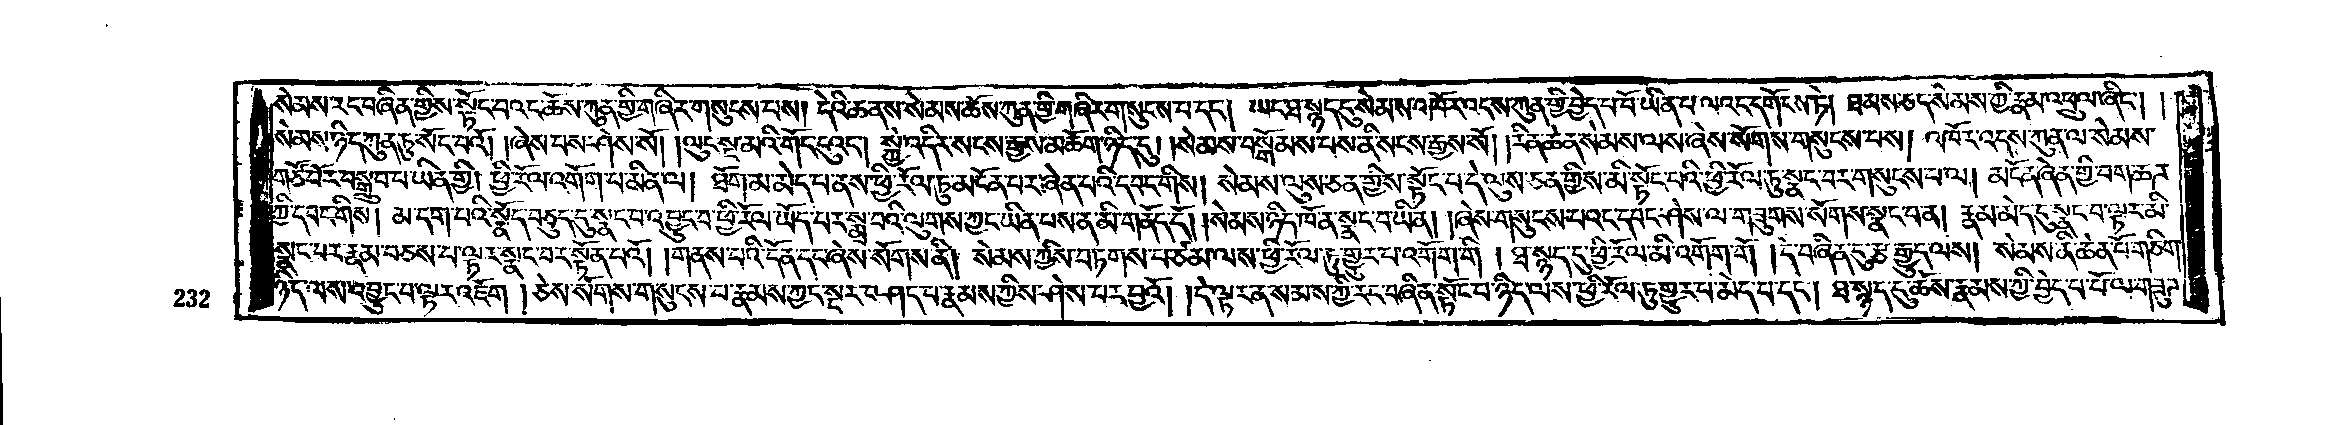སེམས་རང་བཞིན་གྱིས་སྟོང་པའང་ཆོས་ཀུན་གྱི་གཞིར་གསུངས་པས། དེའི་ཆ་ནས་སེམས་ཆོས་ཀུན་གྱི་གཞིར་གསུངས་པ་དང་། ཡང་ཐ་སྙད་དུ་སེམས་འཁོར་འདས་ཀུན་གྱི་བྱེད་པ་པོ་ཡིན་པ་ལའང་དགོངས་ཏེ། ཐམས་ཅད་སེམས་ཀྱི་རྣམ་འཕྲུལ་ཞིང་། །
སེམས་ཉིད་ཀུན་ཏུ་སོང་བའོ། །ཞེས་པས་ཤེས་སོ། །ལུང་སྔ་མའི་གོང་དུའང་། སྐྱེ་འདིར་སངས་རྒྱས་མཆོག་ཉིད་དུ། །སེམས་བསྒོམས་པས་ནི་སངས་རྒྱས་སོ། །རིན་ཆེན་སེམས་ལས་ཞེས་སོགས་གསུངས་པས། འཁོར་འདས་ཀུན་ལ་སེམས་
གཙོ་བོར་བསྒྲུབ་པ་ཡིན་གྱི། ཕྱི་རོལ་འགོག་པ་མིན་ལ། ཐོག་མ་མེད་པ་ནས་ཕྱི་རོལ་ཏུ་མངོན་པར་ཞེན་པའི་དབང་གིས། སེམས་ལུས་ཅན་གྱིས་སྟོང་པ་དེ་ལུས་ཅན་གྱིས་མི་སྟོང་པའི་ཕྱི་རོལ་ཏུ་སྣང་བར་གསུངས་པ་ལ། མངོན་ཞེན་གྱི་བག་ཆགས་
ཀྱི་དབང་གིས། མ་དག་པའི་སྣོད་བཅུད་དུ་སྣང་བ་འབྱུང་བ་ཕྱི་རོལ་ཡོད་པར་སྨྲ་བའི་ལུགས་ཀྱང་ཡིན་པས་ན་མི་གནོད་དོ། །སེམས་ཉིད་ཁོ་ན་སྣང་བ་ཡིན། །ཞེས་གསུངས་པའང་དབང་ཤེས་ལ་གཟུགས་སོགས་སྣང་བ་ན། རྣམ་མེད་དུ་སྣང་བ་ལྟར་མི་
སྣང་བར་རྣམ་བཅས་པ་ལྟར་སྣང་བར་སྟོན་པའོ། །གནས་པའི་དོན་དང་ཞེས་སོགས་ནི། སེམས་ཀྱིས་བཏགས་པ་ཙམ་ལས་ཕྱི་རོལ་ཏུ་གྱུར་པ་འགོག་གི །ཐ་སྙད་དུ་ཕྱི་རོལ་མི་འགོག་གོ །དེ་བཞིན་དུ་རྩ་རྒྱུད་ལས། སེམས་ནི་ཆེན་པོ་གཅིག་
ཉིད་ལས་འབྱུང་བ་ལྟར་འཇོག །ཅེས་སོགས་གསུངས་པ་རྣམས་ཀྱང་སྔར་བཤད་པ་རྣམས་ཀྱིས་ཤེས་པར་བྱའོ། །དེ་ལྟར་ན་སེམས་ཀྱི་རང་བཞིན་སྟོང་པ་ཉིད་ལས་ཕྱི་རོལ་ཏུ་གྱུར་པ་མེད་པ་དང་། ཐ་སྙད་དུ་ཆོས་རྣམས་ཀྱི་བྱེད་པ་པོ་ལ་གཟུགས་